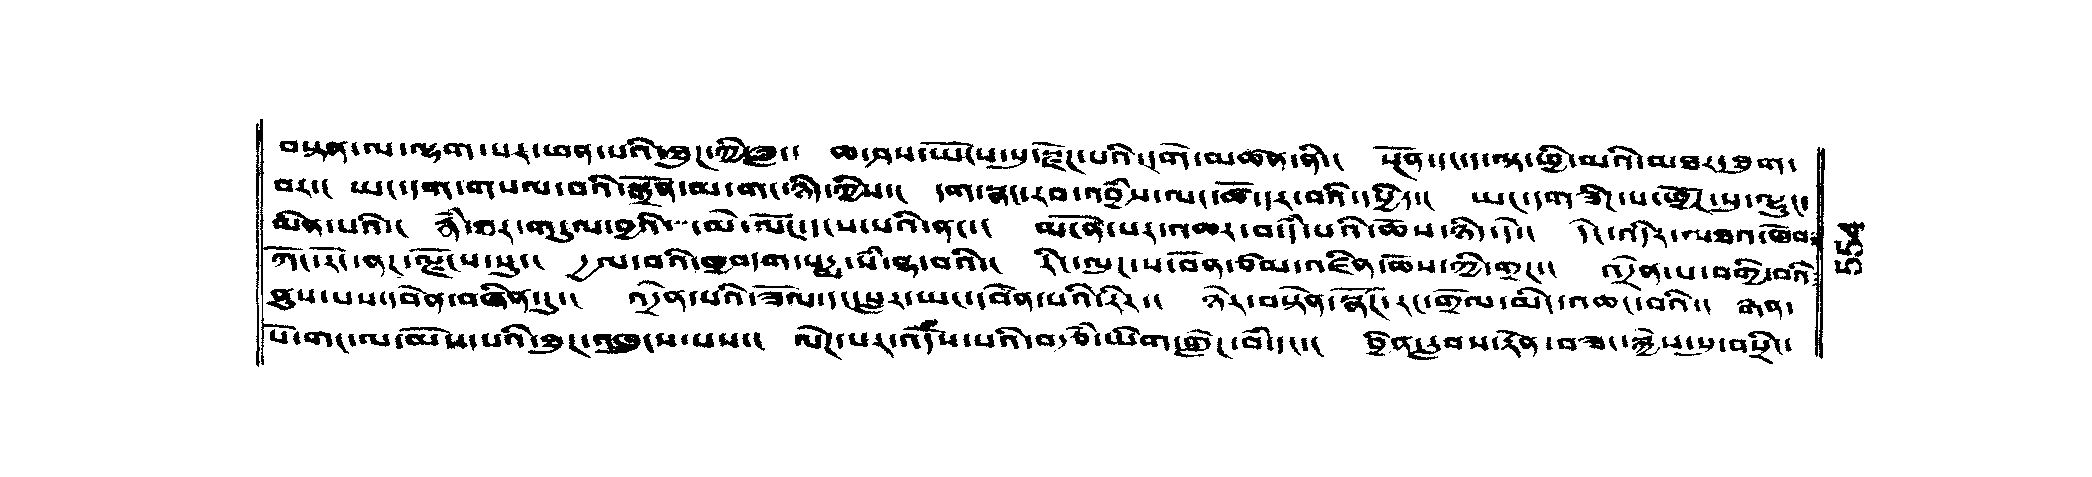།བསྟན་ལ་ལྷག་པར་ཕན་པའི་ཐུགས་ཀྱི་ཟླ། །ཆ་ཤས་ཡོངས་སུ་རྫོགས་པའི་དགེ་མཚན་ནི། །སྔོན་དང་ད་ལྟ་ཕྱི་མའི་མཐར་ཐུག་
བར། །ཡང་དག་གསལ་བའི་སྒྲོན་མ་གང་ཉིད་ཀྱིས། །དག་སྣང་རབ་འབྱམས་ལང་ཚོ་དར་བའི་དཔྱིད། །ཡང་དག་གཟིགས་པ་ཕྱོགས་སུ་ལྷུང་
མིན་པའི། །རྣམ་ཐར་གདུལ་བྱའི་མེ་ལོང་དྭངས་པའི་ནང་། །མངོན་པར་འཆར་བ་དམ་པའི་ཆོས་ཉིད་དེ། །དེང་འདིར་མཐའ་ཁོབ་
ཀོང་རོང་ནགས་ལྗོངས་སུ། །རྒྱལ་བའི་ཁྱབ་བདག་པདྨ་སམ་བྷ་ཝའི། །རིང་ལུགས་ས་བོན་ཙམ་འཛིན་ཆོས་ཀྱི་གྲགས། །འདྲེན་པ་བགྱི་བའི་
ནུས་པས་དབེན་བཞིན་དུ། །འདྲེན་པའི་ཟོལ་དང་སླར་ཡང་དབེན་པའི་རིར། །ཉེར་བསྟེན་སྣ་ཚོགས་རང་གྲོལ་མིང་འཆང་བའི། །རྒན་
པོ་གང་ལ་མོས་པའི་ཐུགས་འཁྲུངས་པས། །ལེགས་པར་འདོམས་པའི་རྩོམ་ཡིག་གླེགས་བམ་དང་། བྱིན་རླབས་རྟེན་བཟང་སྐྱེས་སུ་སྲིངས་